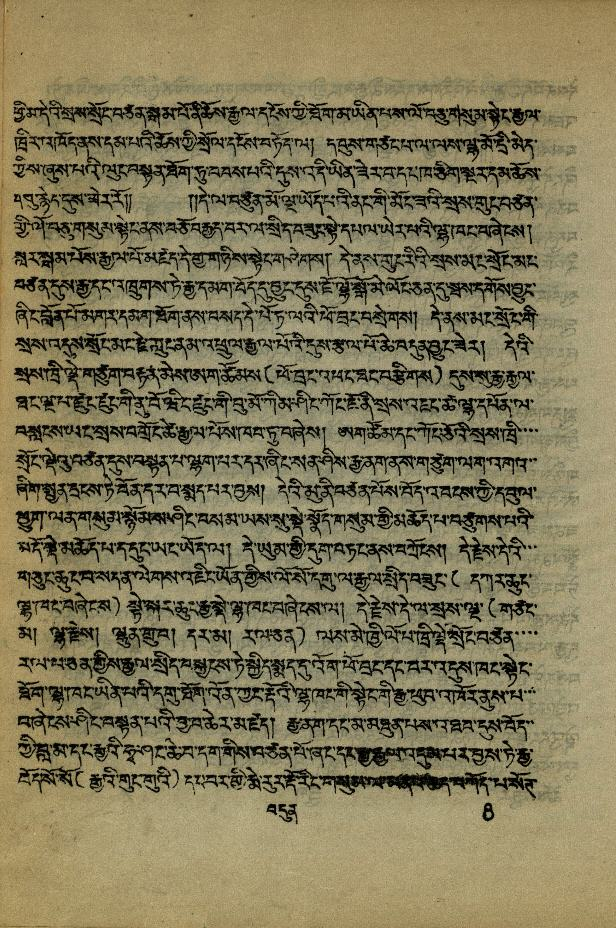ཕྱི་མ་དེའི་སྲས་སྲོང་བཙན་སྒམ་པོ་ནི་ཆོས་རྒྱལ་དངོས་ཀྱི་ཐོག་མ་ཡིན་པས་ལོ་བཅུ་གསུམ་སྟེང་རྒྱལ་
ཁྲིར་འཁོད་ནས་དམ་པའི་ཆོས་ཀྱི་སྲོལ་དངོས་བཏོད་ལ། དབུས་གཙང་པ་ལ་ལས་ལྷ་མོ་དྲི་མེད་
ཀྱིས་ཞུས་པའི་ལུང་བསྟན་ཐོག་ཏུ་བབས་པའི་དུས་འདི་ཡིན་ཟེར་བ་དང་ཁ་ཅིག་སྔར་དམ་ཆོས་
དབུ་རྙེད་དུས་ཟེར་རོ།། །།དེ་ལ་བཙུན་མོ་ལྔ་ཡོད་པའི་ནང་གི་མོང་ཟའི་སྲས་གུང་བཙན་
གྱི་ལོ་བཅུ་གསུམ་སྟེང་ནས་བཅོ་བརྒྱད་བར་ལ་སྲིད་བཟུང་སྟེ་དཔལ་ཡེར་པའི་ལྷ་ཁང་བཞེངས།
སླར་སྒམ་པོས་རྒྱལ་པོ་མཛད་དེ་གྱ་གཉིས་སྟེང་གཤེགས། དེ་ནས་གུང་རིའི་སྲས་མང་སྲོང་མང་
བཙན་དུས་རྒྱ་དང་འཁྲུགས་ཏེ་རྒྱ་དམག་བོད་དུ་བྱུང་དུས་ཇོ་ལྷོ་སྒོ་མེ་ལོང་ཅན་དུ་སྦས་དགོས་བྱུང་
ཞིང་བློན་པོ་མགར་དམག་ཐོག་ནས་བསད་དེ་པོ་ཏ་ལའི་ཕོ་བྲང་བསྲེགས། དེ་ནས་མང་སྲོང་གི་
སྲས་འདུས་སྲོང་མང་རྗེ་ཀླུང་ནམ་འཕྲུལ་རྒྱལ་པོའི་དུས་རྩལ་པོ་ཆེ་བདུན་བྱུང་ཟེར། དེའི་
སྲས་ཁྲི་ལྡེ་གཙུག་བརྟན་མེས་ཨག་ཚོམས་ཕོ་བྲང་འཕང་ཐང་བརྩིགས་དུས་སུ་རྒྱ་རྒྱལ་
ཐང་ལྔ་པ་ཛུང་ཛུང་གི་ནུ་བོ་ཝིང་ཛུང་གི་བུ་མོ་ཀིམ་ཤིང་ཀོང་ཇོ་ནི་སྲས་འཇང་ཚ་ལྷ་དཔོན་ལ་
བསླངས་ཡང་སྲས་བགྲོང་ཚེ་རྒྱལ་པོས་ཁབ་ཏུ་བཞེས། ཨག་ཚོམ་དང་ཀོང་ཅོའི་སྲས་ཁྲི་
སྲོང་ལྡེའུ་བཙན་དུས་བསྟན་པ་ལྷག་པར་དར་ཞིང་སན་ཤིས་རྒྱ་ནག་ནས་གཙུག་ལག་འགའ་
ཞིག་སྤྱན་དྲངས་ཏེ་བོན་དར་བ་སྨད་པར་བྱས། དེའི་མུ་ནི་བཙན་པོས་བོད་འབངས་ཀྱི་དབུལ་
ཕྱུག་ལན་གསུམ་སྙོམས་ཤིང་བསམ་ཡས་སུ་སྡེ་སྣོད་གསུམ་གྱི་མཆོད་པ་བཙུགས་པའི་
མདོ་སྡེ་མཆོད་པ་ད་དུང་ཡང་ཡོད་ལ། དེ་ཡུམ་གྱི་དུག་བཏང་ནས་བཀྲོངས། དེ་རྗེས་དེའི་
གཅུང་ཆུང་བ་སད་ན་ལེགས་འཇིང་ཡོན་གྱིས་ལོ་སོ་དགུ་ལ་རྒྱལ་སྲིད་བཟུང་དཀར་ཆུང་
ལྷ་ཁང་བཞེངས་སྟེ་སྐར་ཆུང་རྒྱ་སྡེ་ལྷ་ཁང་བཞེངས་ལ། དེ་རྗེས་དེ་ལ་སྲས་ལྔ་གཙང་
མ། ལྷ་རྗེས། ལྷུན་གྲུབ། དར་མ། རལ་ཅན་ལས་མེ་ཁྱི་ལོ་པ་ཁྲི་ལྡེ་སྲོང་བཙན་
རལ་པ་ཅན་གྱིས་རྒྱལ་སྲིད་བསྐྱངས་ཏེ་སྐྱིད་སྨད་དུ་འོག་ཕོ་བྲང་དང་བར་འདུས་ཁང་སྟེང་
ཐོག་ལྷ་ཁང་ཡིན་པའི་དགུ་ཐོག་འོན་ཀྱང་རྡོའི་ལྷ་ཁང་གི་སྟེང་གི་རྒྱ་ཕུབ་འཁོར་ནུས་པ་
བཞེངས་ཤིང་བསྟན་པའི་བྱ་བ་ཆེར་མཛད། རྒྱ་ནག་དང་མ་མཐུན་པས་འཐབ་དུས་བོད་
ཀྱི་བླ་མ་དང་རྒྱའི་ཧྭ་ཤང་ཆེ་བ་དག་གིས་བཙན་པོ་ཞང་དང་རྒྱ་རྒྱལ་འདུམ་པར་བྱས་ཏེ་རྒྱ་
བོད་སོ་སོ་རྒྱའི་གུང་གུའི་དང་བར་གྱི་རྨེ་རུར་རྡོ་རིང་གསུམ་ལ་མན་འཆད་བཀོད་པ་སོཊ་